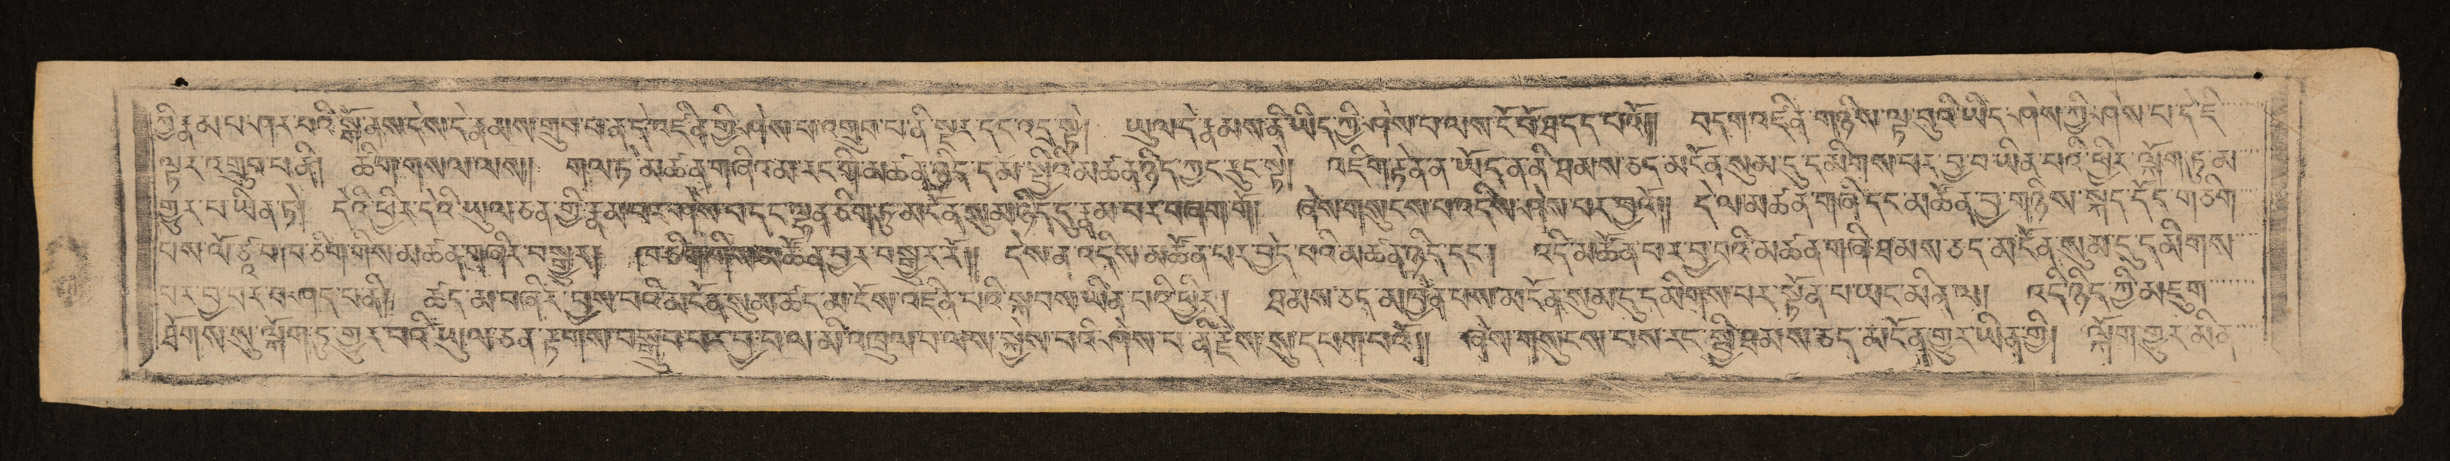ཀྱི་རྣམ་པ་ཤར་བའི་སྒོ་ནས་དེས་དེ་རྣམས་གྲུབ་པ་ན་དེ་འཛིན་གྱི་ཤེས་པ་འགྲུབ་པ་ནི་སྔར་དང་འདྲ་སྟེ། ཡུལ་དེ་རྣམས་ནི་ཡིད་ཀྱི་ཤེས་པ་ལས་ངོ་བོ་ཐ་དད་པའོ།། བདག་འཛིན་གཉིས་ལྟ་བུའི་ཡིད་ཤེས་ཀྱི་ཤེས་པ་དེ་ཇི་
ལྟར་འགྲུབ་པ་ནི། ཚིག་གསལ་ལས། གལ་ཏེ་མཚན་གཞིའམ་རང་གི་མཚན་ཉིད་དམ་སྤྱིའི་མཚན་ཉིད་ཀྱང་རུང་སྟེ། འཇིག་རྟེན་ན་ཡོད་ན་ནི་ཐམས་ཅད་མངོན་སུམ་དུ་དམིགས་པར་བྱ་བ་ཡིན་པའི་ཕྱིར་ལྐོག་ཏུ་མ་
གྱུར་པ་ཡིན་ཏེ། དེའི་ཕྱིར་དེའི་ཡུལ་ཅན་གྱི་རྣམ་པར་ཤེས་པ་དང་ལྷན་ཅིག་ཏུ་མངོན་སུམ་ཉིད་དུ་རྣམ་པར་བཞག་གོ། ཞེས་གསུངས་པ་འདིས་ཤེས་པར་བྱའོ།། དེ་ལ་མཚན་གཞི་དང་མཚོན་བྱ་གཉིས་སྐད་དོད་གཅིག་
པས་ལོ་ཙཱ་བ་ཁ་ཅིག་གིས་མཚན་གཞིར་བསྒྱུར། ཁ་ཅིག་གིས་མཚོན་བྱར་བསྒྱུར་རོ།། དེས་ན་འདིས་མཚོན་པར་བྱེད་པའི་མཚན་ཉིད་དང་། འདི་མཚོན་པར་བྱ་བའི་མཚན་གཞི་ཐམས་ཅད་མངོན་སུམ་དུ་དམིགས་
པར་བྱ་བར་བཤད་པ་ནི། ཚད་མ་བཞིར་བྱས་པའི་མངོན་སུམ་ཚད་མ་ངོས་འཛིན་པའི་སྐབས་ཡིན་པའི་ཕྱིར། ཐམས་ཅད་མཁྱེན་པས་མངོན་སུམ་དུ་དམིགས་པར་སྟོན་པ་ཡང་མིན་ལ། འདི་ཉིད་ཀྱི་མཇུག་
ཐོགས་སུ་ལྐོག་ཏུ་གྱུར་པའི་ཡུལ་ཅན་རྟགས་བསྒྲུབ་པར་བྱ་བ་ལ་མི་འཁྲུལ་བ་ལས་སྐྱེས་པའི་ཤེས་པ་ནི་རྗེས་སུ་དཔག་པའོ།། ཞེས་གསུངས་པས་རང་སྤྱི་ཐམས་ཅད་མངོན་གྱུར་ཡིན་གྱི། ལྐོག་གྱུར་མིན་